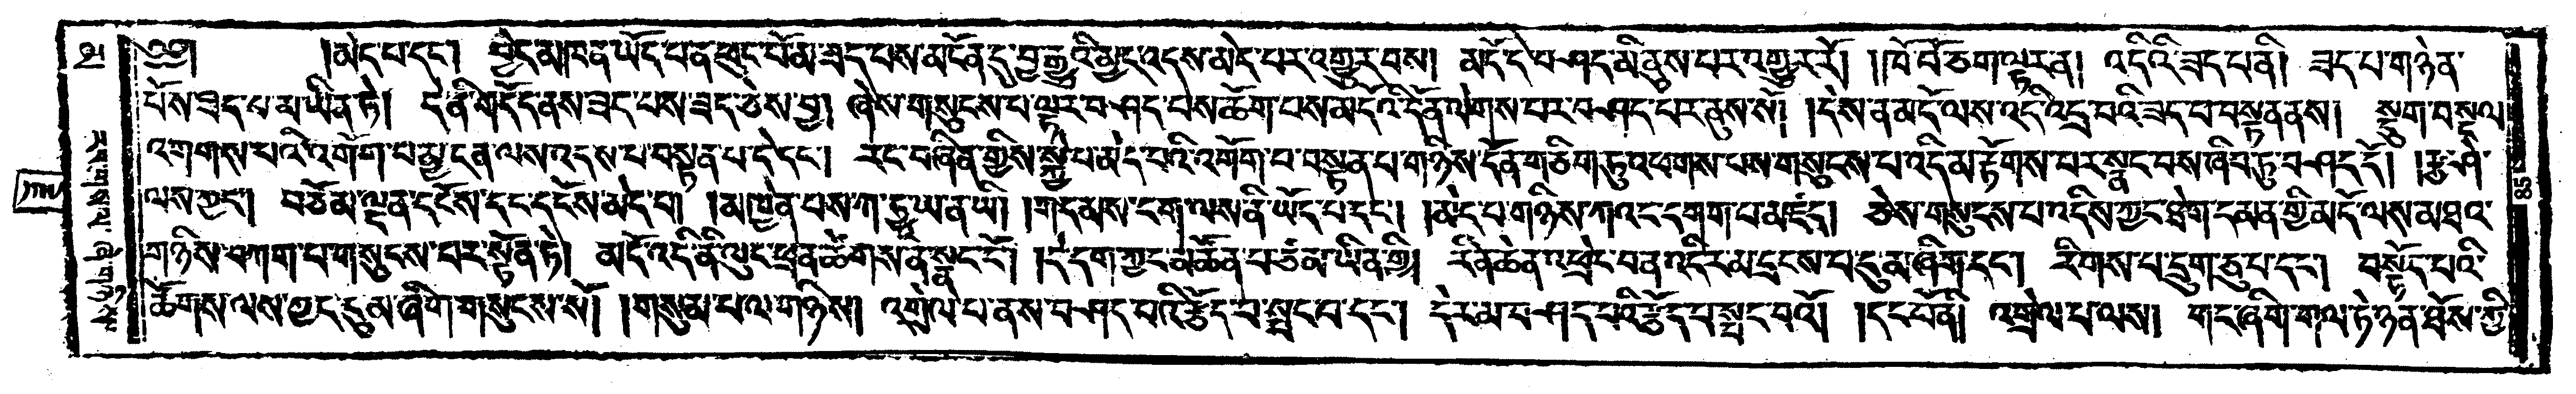༄༅། །མེད་པ་དང་། བྱེད་མཁན་ཡོད་པ་ན་ཕུང་པོ་མ་ཟད་པས་མངོན་དུ་བྱ་རྒྱུའི་མྱང་འདས་མེད་པར་འགྱུར་བས། མདོ་འདི་བཤད་མི་ནུས་པར་འགྱུར་རོ། །ཁོ་བོ་ཅག་ལྟར་ན། འདིའི་ཟད་པ་ནི། ཟད་པ་གཉེན་
པོས་ཟད་པ་མ་ཡིན་ཏེ། དེ་ནི་གདོད་ནས་ཟད་པས་ཟད་ཅེས་བྱ། ཞེས་གསུངས་པ་ལྟར་བཤད་པས་ཆོག་པས་མདོའི་དོན་ལེགས་པར་བཤད་པར་ནུས་སོ། །དེས་ན་མདོ་ལས་འདི་འདྲ་བའི་ཟད་པ་བསྟན་ནས། སྡུག་བསྔལ་
འགགས་པའི་འགོག་པ་མྱ་ངན་ལས་འདས་པ་བསྟན་པ་དེ་དང་། རང་བཞིན་གྱིས་སྐྱེ་བ་མེད་པའི་འགོག་པ་བསྟན་པ་གཉིས་དོན་གཅིག་ཏུ་འཕགས་པས་གསུངས་པ་འདི་མ་རྟོགས་པར་སྣང་བས་ཞིབ་ཏུ་བཤད་དོ། །རྩ་ཤེ་
ལས་ཀྱང་། བཅོམ་ལྡན་དངོས་དང་དངོས་མེད་པ། །མཁྱེན་པས་ཀ་ཏྱཱ་ཡ་ན་ཡི། །གདམས་ངག་ལས་ནི་ཡོད་པ་དང་། །མེད་པ་གཉིས་ཀའང་དགག་པ་མཛད། ཅེས་གསུངས་པ་འདིས་ཀྱང་ཐེག་དམན་གྱི་མདོ་ལས་མཐའ་
གཉིས་བཀག་པ་གསུངས་པར་སྟོན་ཏེ། མདོ་འདི་ནི་ལུང་ཕྲན་ཚེགས་ན་སྣང་ངོ། །དེ་དག་ཀྱང་མཚོན་པ་ཙམ་ཡིན་གྱི། རིན་ཆེན་ཕྲེང་བ་ན་འདིར་མ་དྲངས་པ་དུ་མ་ཞིག་དང་། རིགས་པ་དྲུག་ཅུ་པ་དང་། བསྟོད་པའི་
ཚོགས་ལས་ཀྱང་དུ་མ་ཞིག་གསུངས་སོ། །གསུམ་པ་ལ་གཉིས། འགྲེལ་པ་ནས་བཤད་པའི་རྩོད་པ་སྤང་བ་དང་། དེར་མ་བཤད་པའི་རྩོད་པ་སྤང་བའོ། །དང་པོ་ནི། འགྲེལ་པ་ལས། གང་ཞིག་གལ་ཏེ་ཉན་ཐོས་ཀྱི་